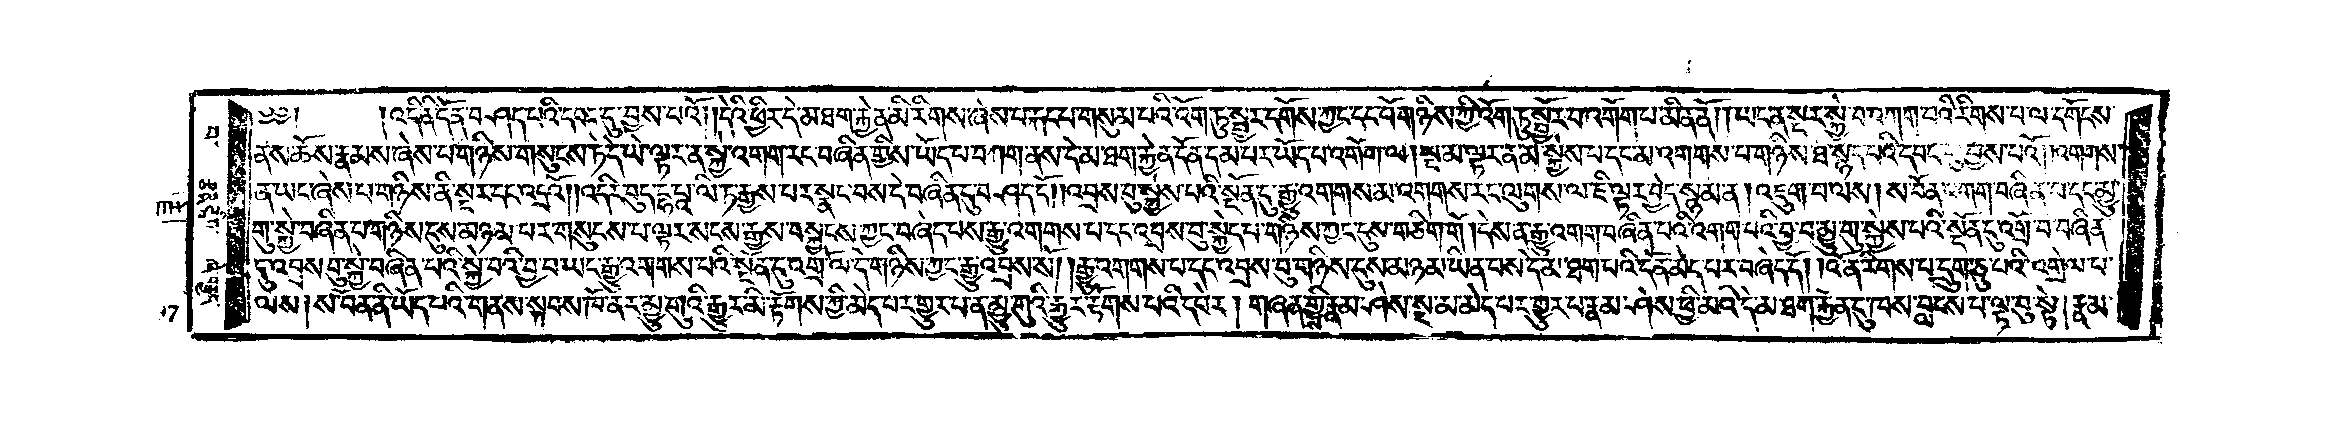༄༅། །འདི་ནི་དོན་བཤད་པའི་དབང་དུ་བྱས་པའོ། །དེའི་ཕྱིར་དེ་མ་ཐག་རྐྱེན་མི་རིགས་ཞེས་པ་རྐང་པ་གསུམ་པའི་འོག་ཏུ་སྦྱར་དགོས་ཀྱང་དང་པོ་གཉིས་ཀྱི་འོག་ཏུ་སྦྱོར་བ་འགོག་པ་མིན་ནོ། །ཡང་ན་སྔར་སྐྱེ་བ་བཀག་པའི་རིགས་པ་ལ་དགོངས་
ནས་ཆོས་རྣམས་ཞེས་པ་གཉིས་གསུངས་ཏེ་དེ་ཡི་ལྟར་ན་སྐྱེ་འགག་རང་བཞིན་གྱིས་ཡོད་པ་བཀག་ནས་དེ་མ་ཐག་རྐྱེན་དོན་དམ་པར་ཡོད་པ་འགོག་ལ། སྔ་མ་ལྟར་ན་མ་སྐྱེས་པ་དང་མ་འགགས་པ་གཉིས་ཐ་སྙད་པའི་དབང་དུ་བྱས་པའོ། །འགགས་
ན་ཡང་ཞེས་པ་གཉིས་ནི་སྔར་དང་འདྲའོ། །འདིར་བུད་དྷ་པཱ་ལི་ཏ་རྒྱས་པར་སྣང་བས་དེ་བཞིན་དུ་བཤད་དོ། །འབྲས་བུ་སྐྱེས་པའི་སྔོན་དུ་རྒྱུ་འགགས་མ་འགགས་རང་ལུགས་ལ་ཇི་ལྟར་བྱེད་སྙམ་ན། འཇུག་པ་ལས། ས་བོན་འགག་བཞིན་པ་དང་མྱུ་
གུ་སྐྱེ་བཞིན་པ་གཉིས་དུས་མཉམ་པར་གསུངས་པ་ལྟར་སངས་རྒྱས་བསྐྱེངས་ཀྱང་བཞེད་པས་རྒྱུ་འགགས་པ་དང་འབྲས་བུ་སྐྱེད་པ་གཉིས་ཀྱང་དུས་གཅིག་གོ །དེས་ན་རྒྱུ་འགག་བཞིན་པའི་འགག་པའི་བྱ་བ་མྱུ་གུ་སྐྱེས་པའི་སྔོན་དུ་འགྲོ་བ་བཞིན་
དུ་འབྲས་བུ་སྐྱེ་བཞིན་པའི་སྐྱེ་བའི་བྱ་བ་ཡང་རྒྱུ་འགགས་པའི་སྔོན་དུ་འགྲོ་ལ་དེ་གཉིས་ཀྱང་རྒྱུ་འབྲས་སོ། །རྒྱུ་འགགས་པ་དང་འབྲས་བུ་གཉིས་དུས་མཉམ་ཡིན་པས་དེ་མ་ཐག་པའི་དོན་མེད་པར་བཞེད་དོ། །འོ་ན་རིགས་པ་དྲུག་ཅུ་པའི་འགྲེལ་པ་
ལས། ས་བོན་ནི་ཡོད་པའི་གནས་སྐབས་ཁོ་ནར་མྱུ་གུའི་རྒྱུར་མི་རྟོགས་ཀྱི་མེད་པར་གྱུར་པ་ན་མྱུ་གུའི་རྒྱུར་རྟོགས་པའི་དཔེར་།གཞན་གྱིས་རྣམ་ཤེས་སྔ་མ་མེད་པར་གྱུར་པ་རྣམ་ཤེས་ཕྱི་མའི་དེ་མ་ཐག་རྐྱེན་དུ་ཁས་བླངས་པ་ལྟ་བུ་སྟེ། རྣམ་